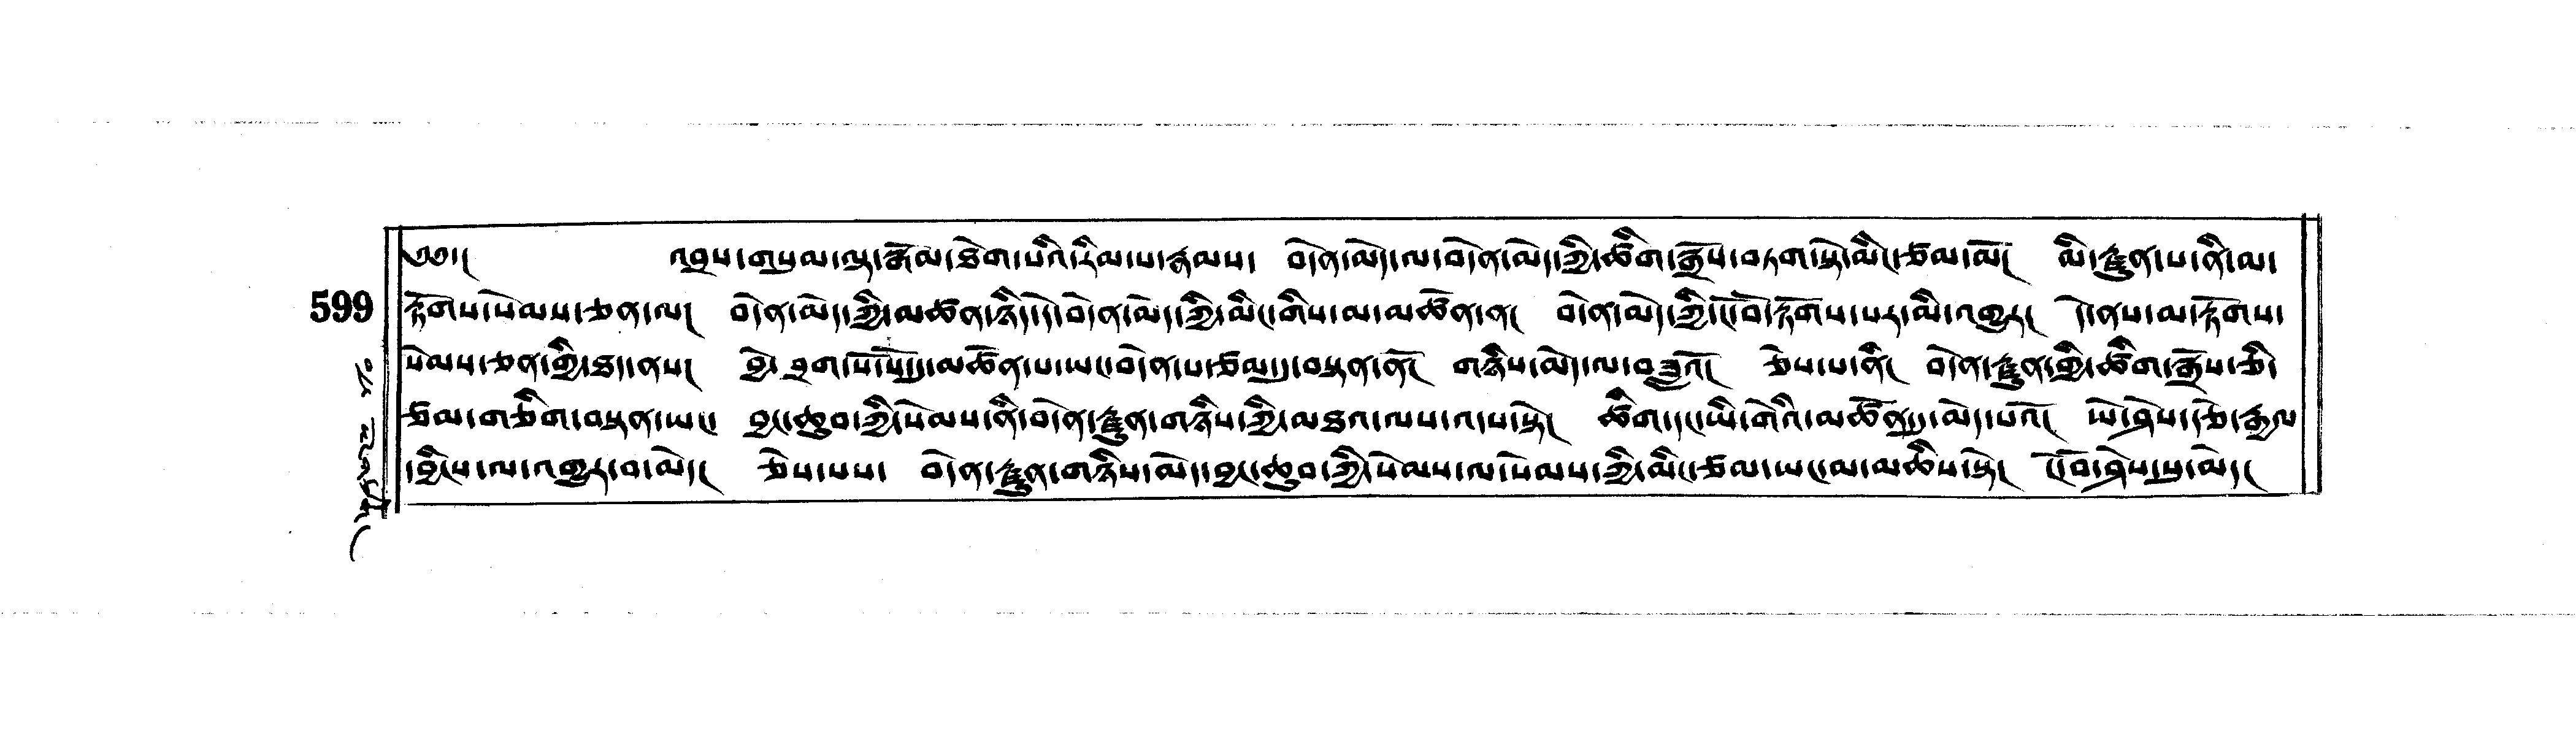འབྲས་གསུམ་ལྟ་སྒོམ་ཐེག་པའི་རིམ་པ་རྣམས། བདེན་མེད་ལ་བདེན་མེད་ཀྱི་ཚིག་སྒྲོས་བཏགས་ཏེ་མིང་ཙམ་མོ། མི་རྫུན་པ་ནི་མ་
རྟོགས་སེམས་ཅན་ལ། བདེན་མེད་ཀྱི་མཚན་ཉིད་དེ་བདེན་མེད་ཀྱི་མིང་གིས་མ་མཚོན་ན། བདེན་མེད་ཀྱི་ངོ་བོ་རྟོགས་པར་མི་འགྱུར། དེ་ནས་མ་རྟོགས་
སེམས་ཅན་གྱི་ཐད་ནས། བྱེ་བྲག་སོ་སོ་རུ་མཚོན་པ་ཡང་བདེན་པ་ཙམ་དུ་བསྟན་ནོ། གཉིས་མེད་ལ་བཟླའོ། ཅེས་པ་ནི། བདེན་རྫུན་གྱི་ཚིག་སྒྲོས་ཅི་
ཙམ་གཅིག་བསྟན་ཡང་། བྱང་ཆུབ་ཀྱི་སེམས་ནི་བདེན་རྫུན་གཉིས་ཀྱི་མཐའ་ལས་འདས་ཏེ། ཚིག་དང་ཡི་གེའི་མཚོན་དུ་མེད་པའོ། ཡེ་ཤེས་རྩེ་རྒྱལ་
དབྱིངས་ལ་འགྱུར་བ་མེད། ཅེས་པས། བདེན་རྫུན་གཉིས་མེད་བྱང་ཆུབ་ཀྱི་སེམས་ལ་སེམས་ཀྱི་མིང་ཙམ་ཡང་མ་མཆིས་ཏེ། ངོ་བོ་ཤེས་སུ་མེད།